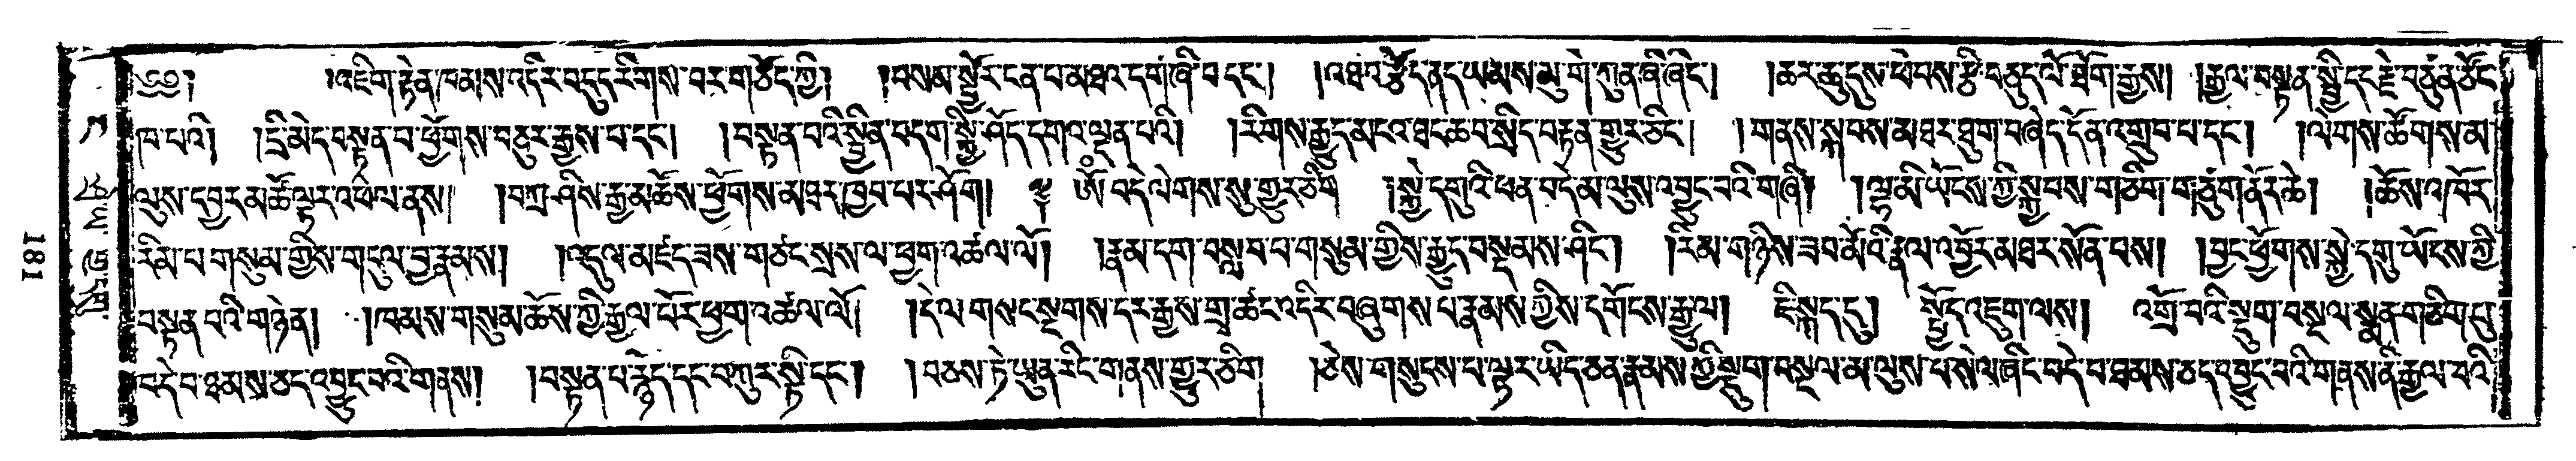༄༅། །འཇིག་རྟེན་ཁམས་འདིར་བདུད་རིགས་བར་གཅོད་ཀྱི། །བསམ་སྦྱོར་ངན་པ་མཐའ་དག་ཞི་བ་དང་། །འཐའ་རྩོད་ནད་ཡམས་མུ་གེ་ཀུན་ཞི་ཞིང་། །ཆར་ཆུ་དུས་ཕེབས་རྩི་བཅུད་ལོ་ཐོག་རྒྱས། །རྒྱལ་བསྟན་སྦྱི་དང་རྗེ་བཙུན་ཙོང་
ཁ་པའི། །དྲི་མེད་བསྟན་པ་ཕྱོགས་བཅུར་རྒྱས་པ་དང་། །བསྟན་པའི་སྦྱིན་བདག་སྐྱི་ཤོད་དགའ་ལྡན་པའི། །རིགས་རྒྱུད་མངའ་ཐང་ཆབ་སྲིད་བརྟན་གྱུར་ཅིང་། །གནས་སྐབས་མཐར་ཐུག་བཞེད་དོན་འགྲུབ་པ་དང་། །ལེགས་ཚོགས་མ་
ལུས་དབྱར་མཚོ་ལྟར་འཕེལ་ནས། །བཀྲ་ཤིས་རྒྱ་མཚོས་ཕྱོགས་མཐར་ཁྱབ་པར་ཤོག། ༈ ཨོཾ་བདེ་ལེགས་སུ་གྱུར་ཅིག །སྐྱེ་དགུའི་ཕན་བདེ་མ་ལུས་འབྱུང་བའི་གཞི། །ལྷ་མི་ཡོངས་ཀྱི་སྐྱབས་གཅིག་གཙུག་ནོར་ཆེ། །ཆོས་འཁོར་
རིམ་པ་གསུམ་གྱིས་གདུལ་བྱ་རྣམས། །འདུལ་མཛད་ཟས་གཙང་སྲས་ལ་ཕྱག་འཚལ་ལོ། །རྣམ་དག་བསླབ་པ་གསུམ་གྱིས་རྒྱུད་བསྡམས་ཤིང་། །རིམ་གཉིས་ཟབ་མོའི་རྣལ་འབྱོར་མཐར་སོན་པས། །བྱང་ཕྱོགས་སྐྱེ་དགུ་ཡོངས་ཀྱི་
བསྟན་པའི་གཉེན། །ཁམས་གསུམ་ཆོས་ཀྱི་རྒྱལ་པོར་ཕྱག་འཚལ་ལོ། །དེ་ལ་གསང་སྔགས་དར་རྒྱས་གྲྭ་ཚང་འདིར་བཞུགས་པ་རྣམས་ཀྱིས་དགོངས་རྒྱུ་ལ། ཇི་སྐད་དུ། སྤྱོད་འཇུག་ལས། འགྲོ་བའི་སྡུག་བསྔལ་སྨན་གཅིག་པུ་
བདེ་བ་ཐམས་ཅད་འབྱུང་བའི་གནས། །བསྟན་པ་རྙེད་དང་བཀུར་སྟི་དང་། །བཅས་ཏེ་ཡུན་རིང་གནས་གྱུར་ཅིག །ཅེས་གསུངས་པ་ལྟར་ཡིད་ཅན་རྣམས་ཀྱི་སྡུག་བསྔལ་མ་ལུས་པ་སེལ་ཞིང་བདེ་བ་ཐམས་ཅད་འབྱུང་བའི་གནས་ནི་རྒྱལ་བའི་